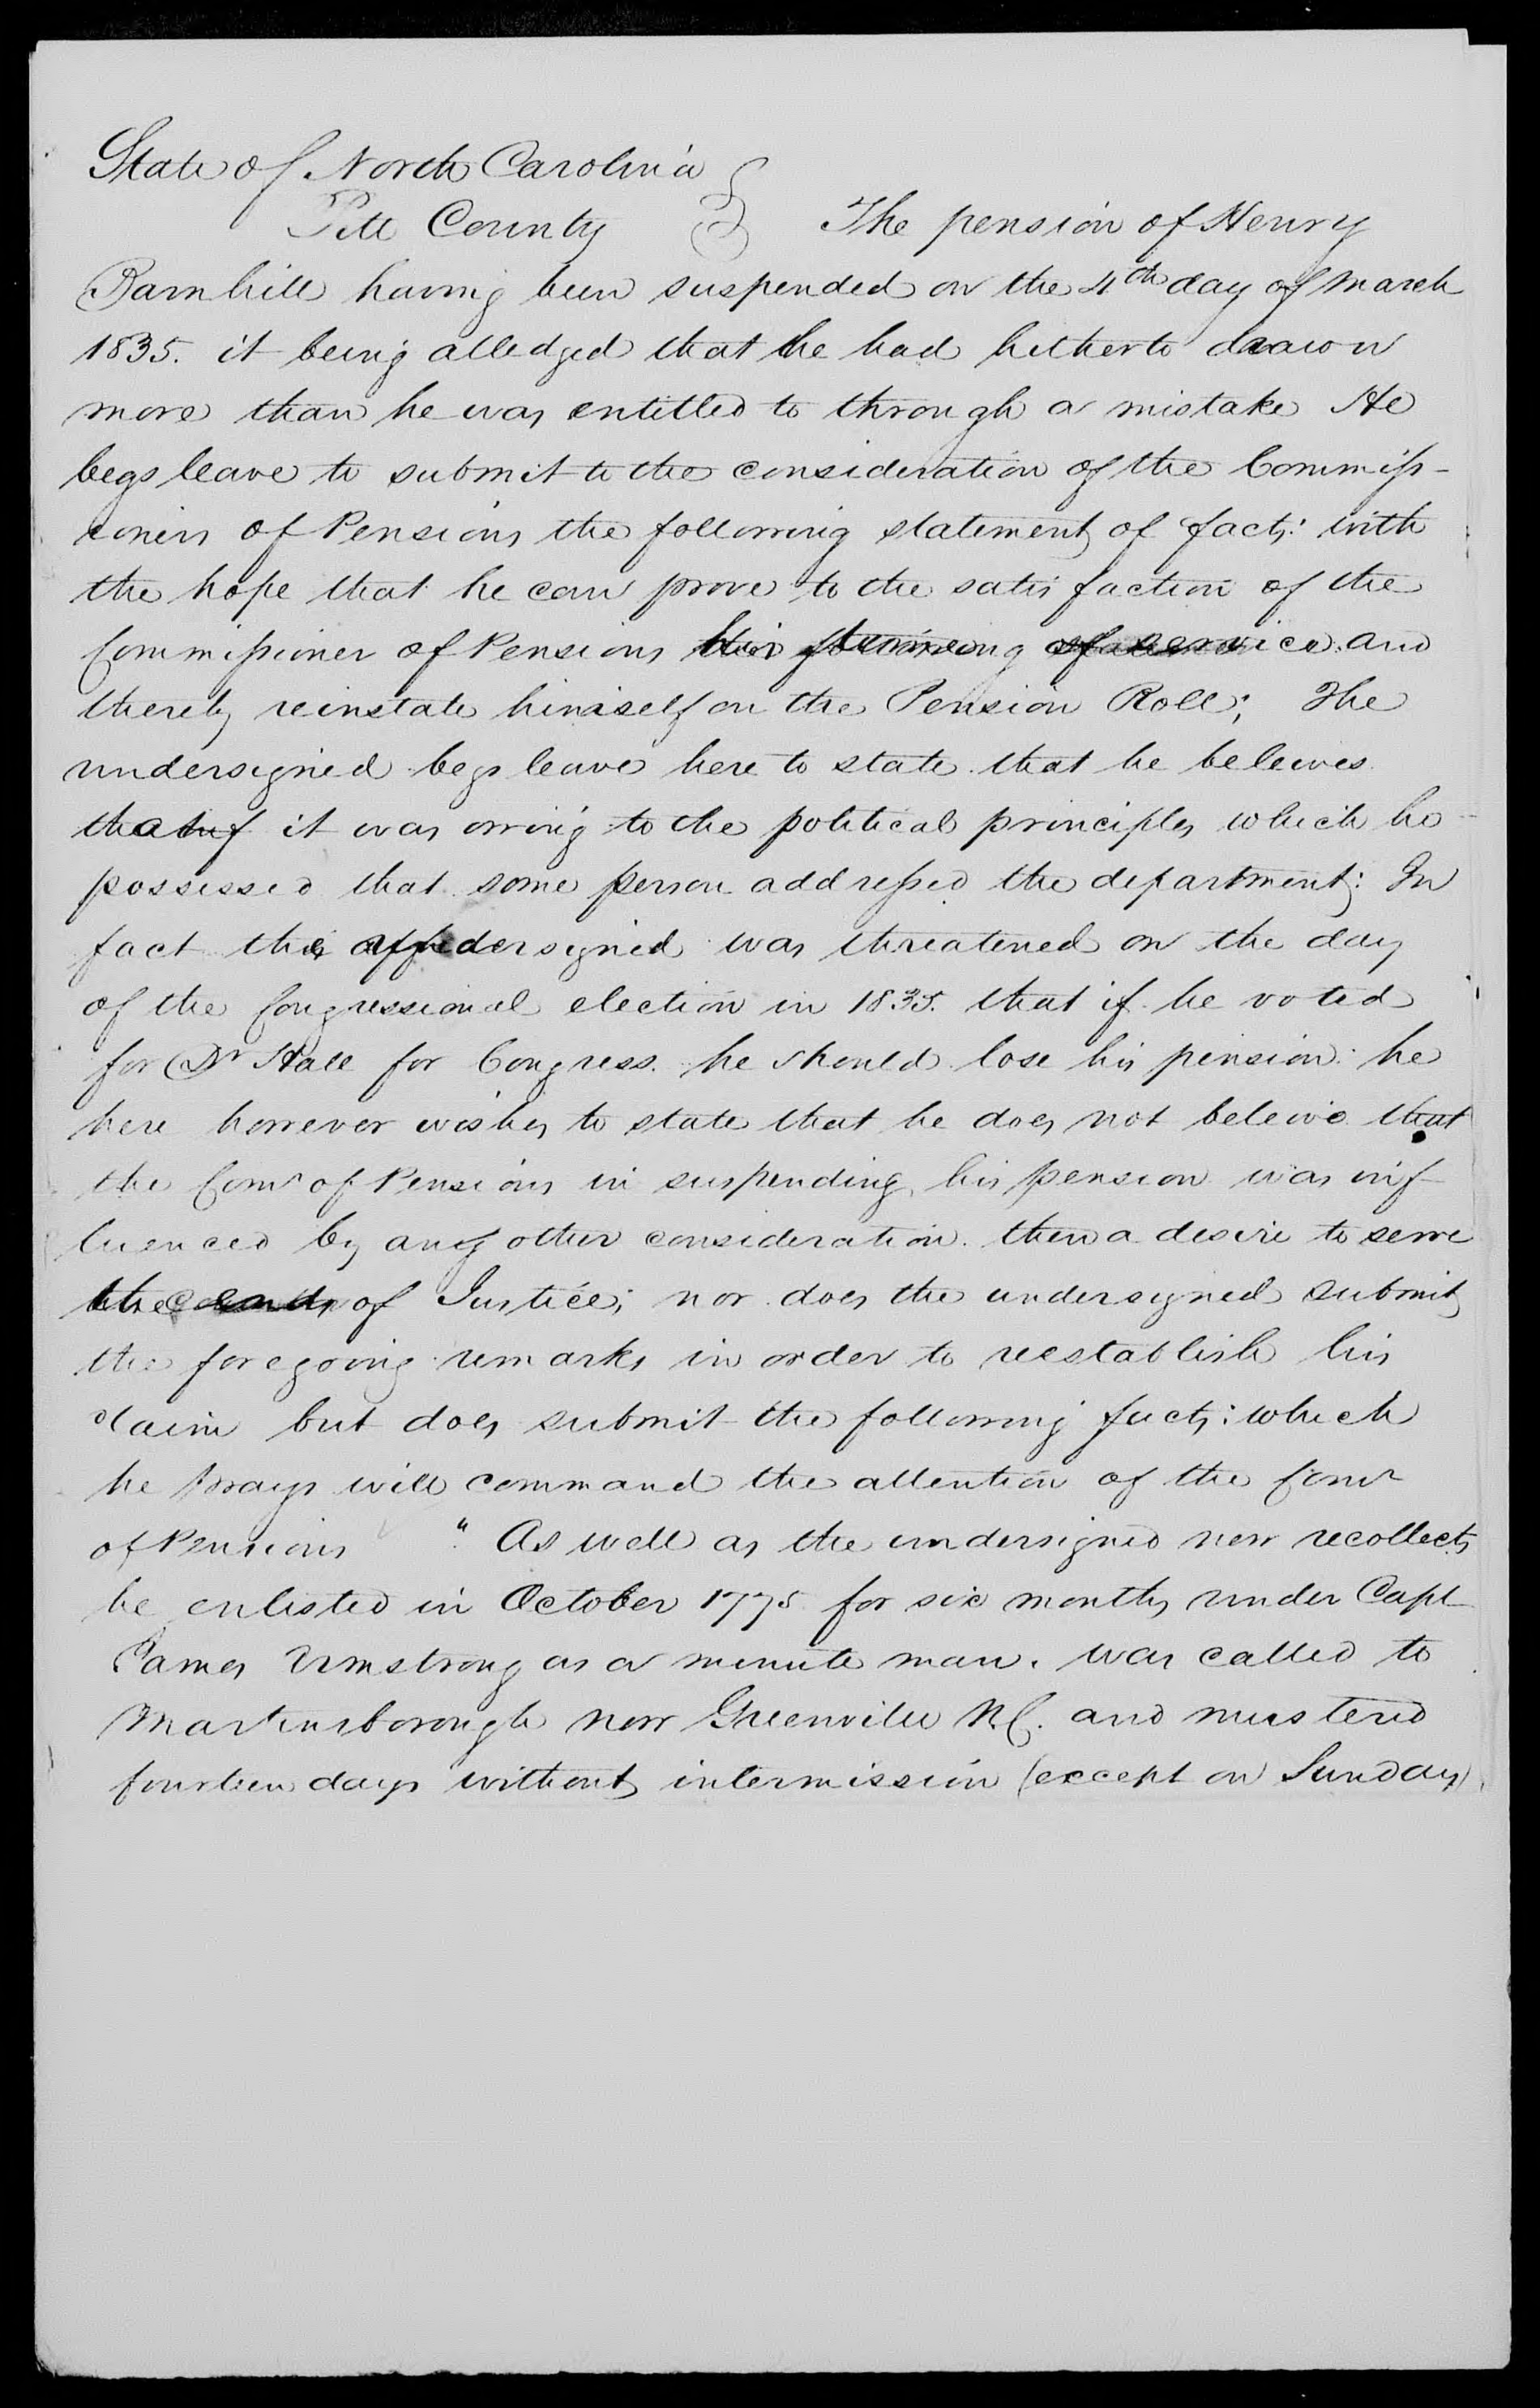State of North Carolina }
Pitt County }
The pension of Henry Barnhill having been suspended on the 4th day of March 1835, it being alledged [sic alleged] that he had hitherto drew more than he was entitled to through a mistake He begs leave to submit to the consideration of the Commissioners of Pensions the following statement of facts: with the hope that he can prove to the satisfaction of the Commissioner of Pensions [crossed out] and thereby reinstate himself on the Pension Roll; The undersigned  begs leave here to state that he believes [crossed out] it was owing to the political principles which he possessed that some person addressed the department; In fact the undersigned [superimposed over: aff__] was threatened on the day of the Congressional election in 1835. that if he voted for Dr Hall for Congress. he should lose his pension: he here however wishes to state that he does not believe that the Comr of Pensions in suspending his pension was influenced by any other consideration then a desire to service the ends of Justice; nor does the undersigned submit the foregoing remarks in order to reestablish his claim but does submit the following facts: which he prays will command the attention of the Comr of Pensions "As well as the undersigned now recollects he enlisted in October 1775 for six months under Capt James Armstrong as a minute man. was called to Martinsborough now Greenville N.C. and mustered fourteen days without intermission (except on Sunday).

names: James Armstrong, Henry Barnhill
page: 5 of 42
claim: survivor's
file: S. 6579, Henry Barnhill, N. C.